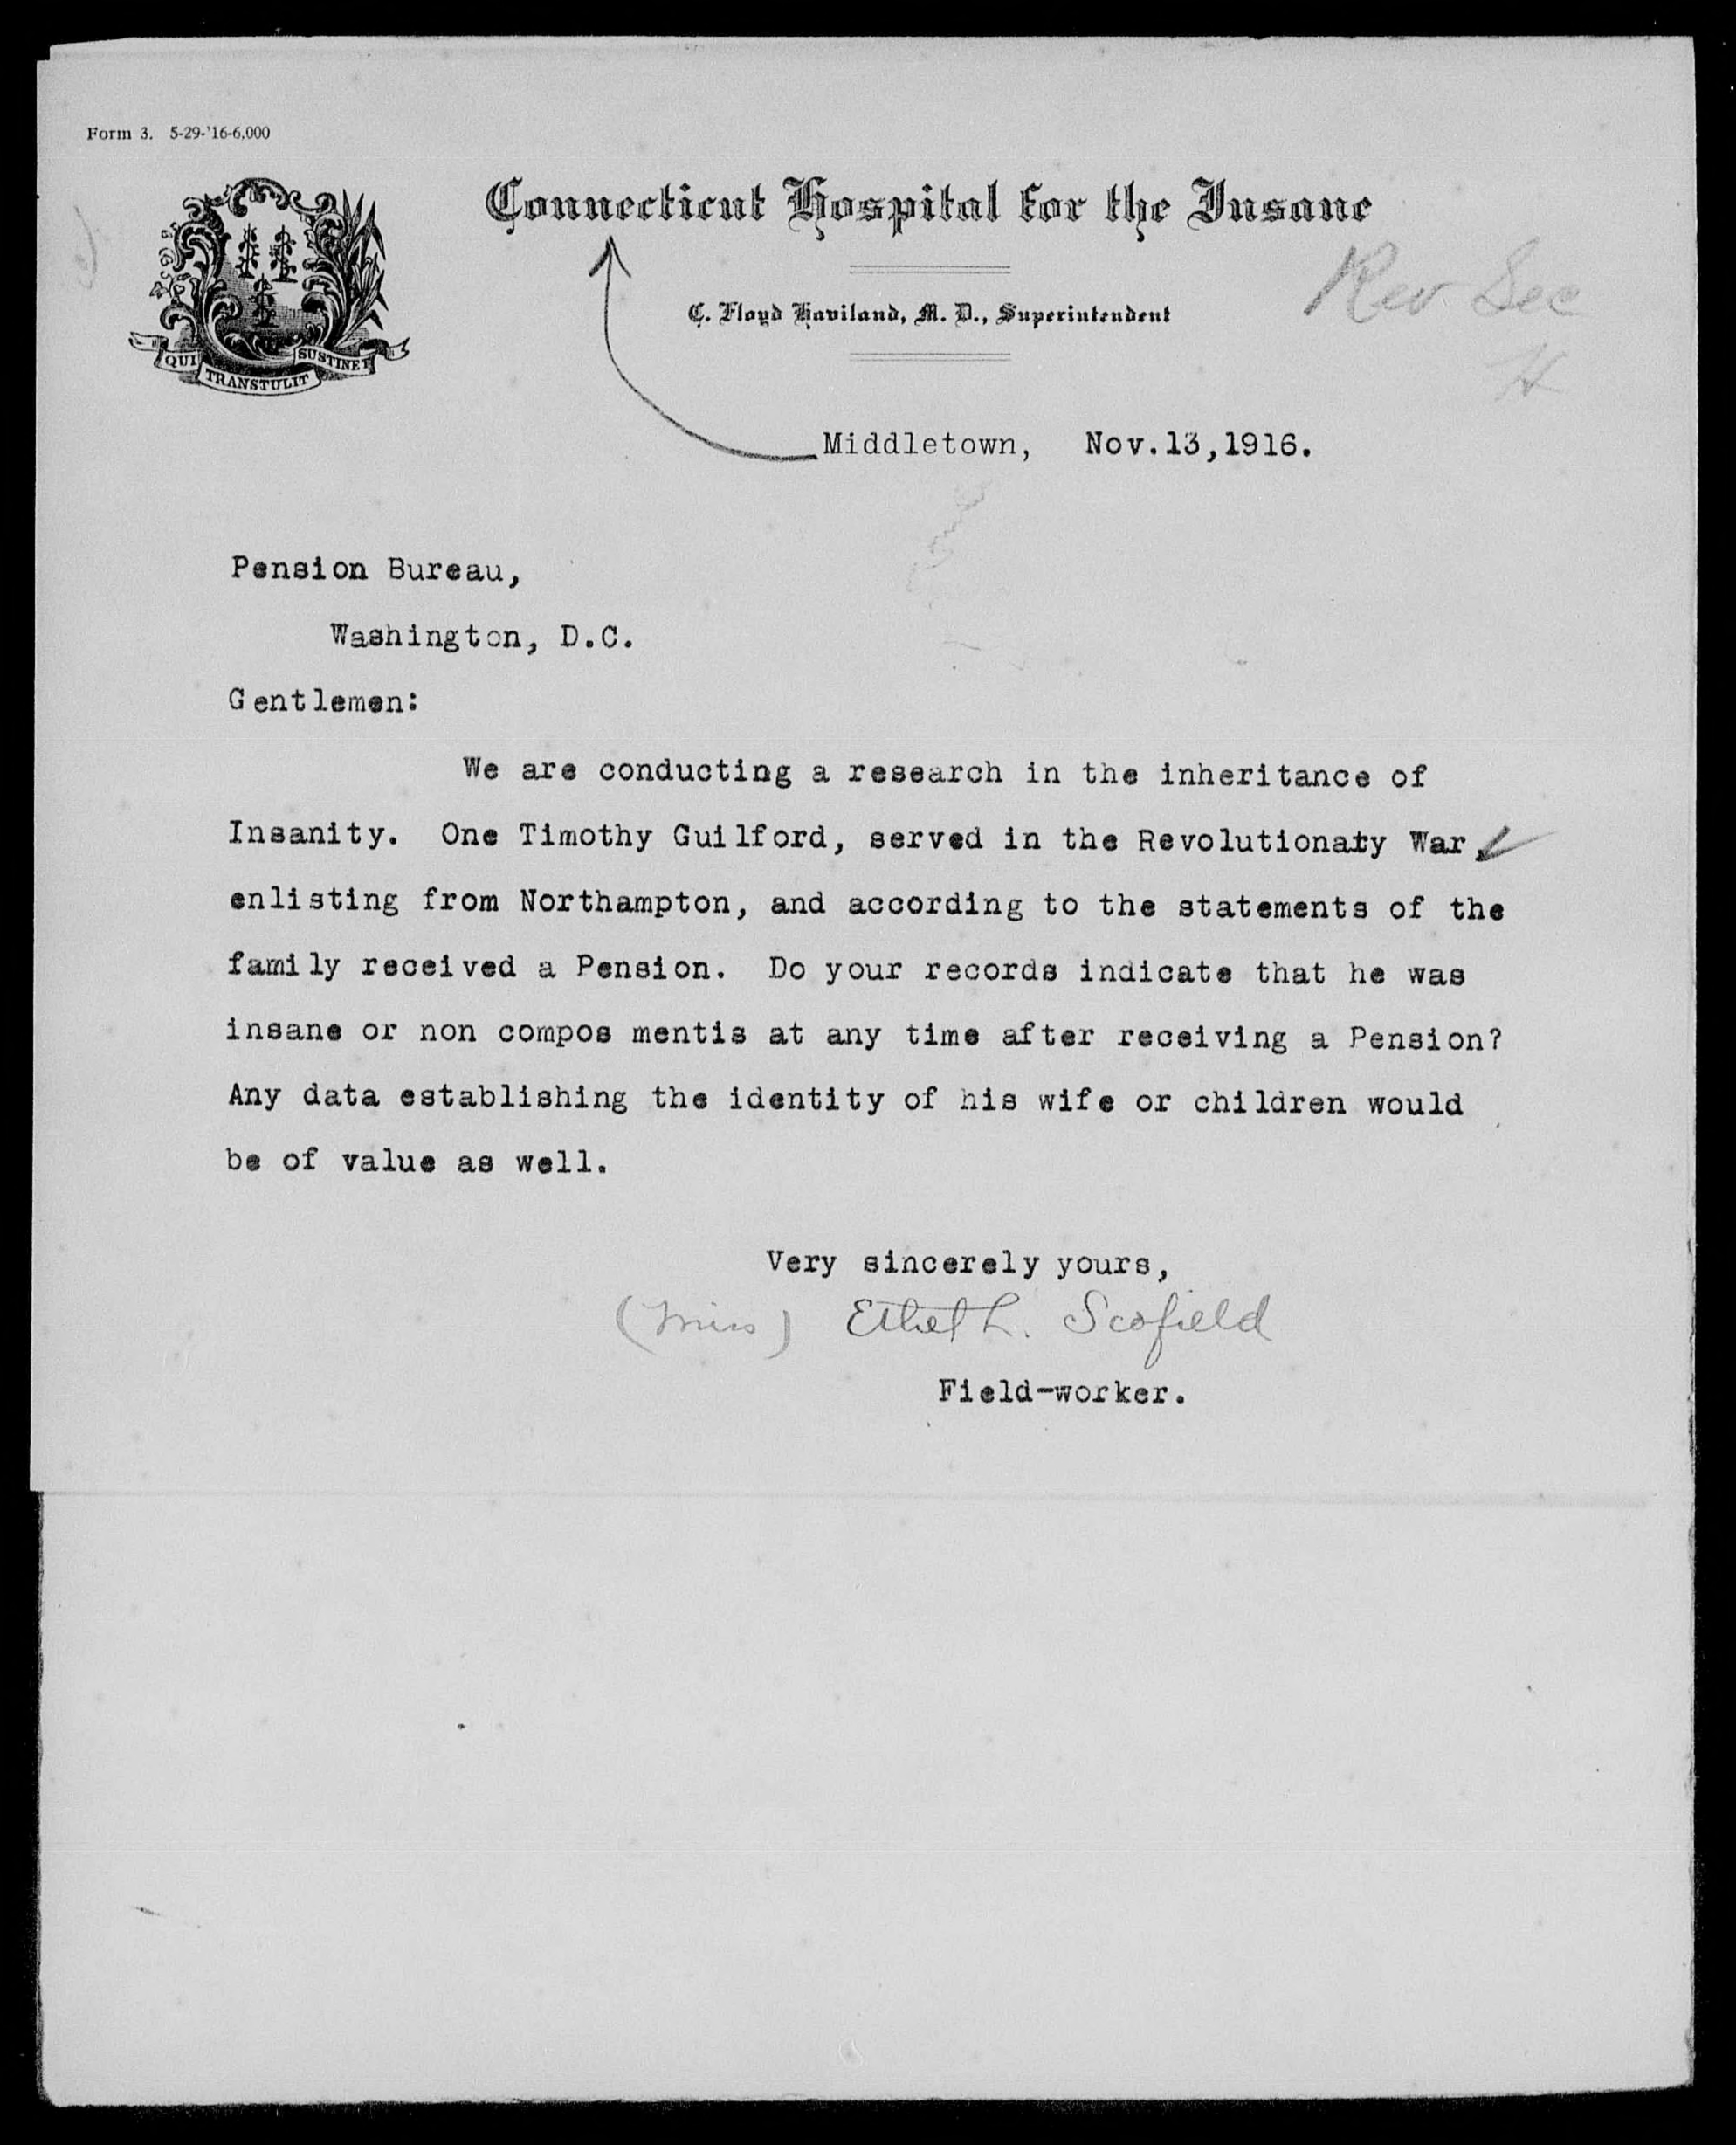Form 3. 5-29-'16-6,000
[printed seal of Connecticut, with state motto "QUI TRANSTULIT SUSTINET"]
Connecticut Hospital for the Insane
G. Floyd Haviland, M. D., Superintendent [added to the right in pencil "Rev See H"]
Middletown [arrow added pointing from previous to the word "Connecticut" above], Nov. 13, 1916.

Pension Bureau,
Washington, D.C.
Gentlemen:
We are conducting a research in the inheritance of Insanity. One Timothy Guilford, served in the Revolutionary War, enlisting from Northampton, and according to the statements of the family received a Pension. Do your records indicate that he was insane or non compos mentis at any time after receiving a Pension? Any data establishing the identity of his wife or children would be of value as well.
Very sincerely yours,
[handwritten] (miss) Ethel L. Scofield [end handwritten]
Field-worker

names: Timothy Guilford, G Floyd Haviland, Ethel L Scofield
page: 21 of 26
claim: widow's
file: W. 21,238, Timothy Guilford, Mass.